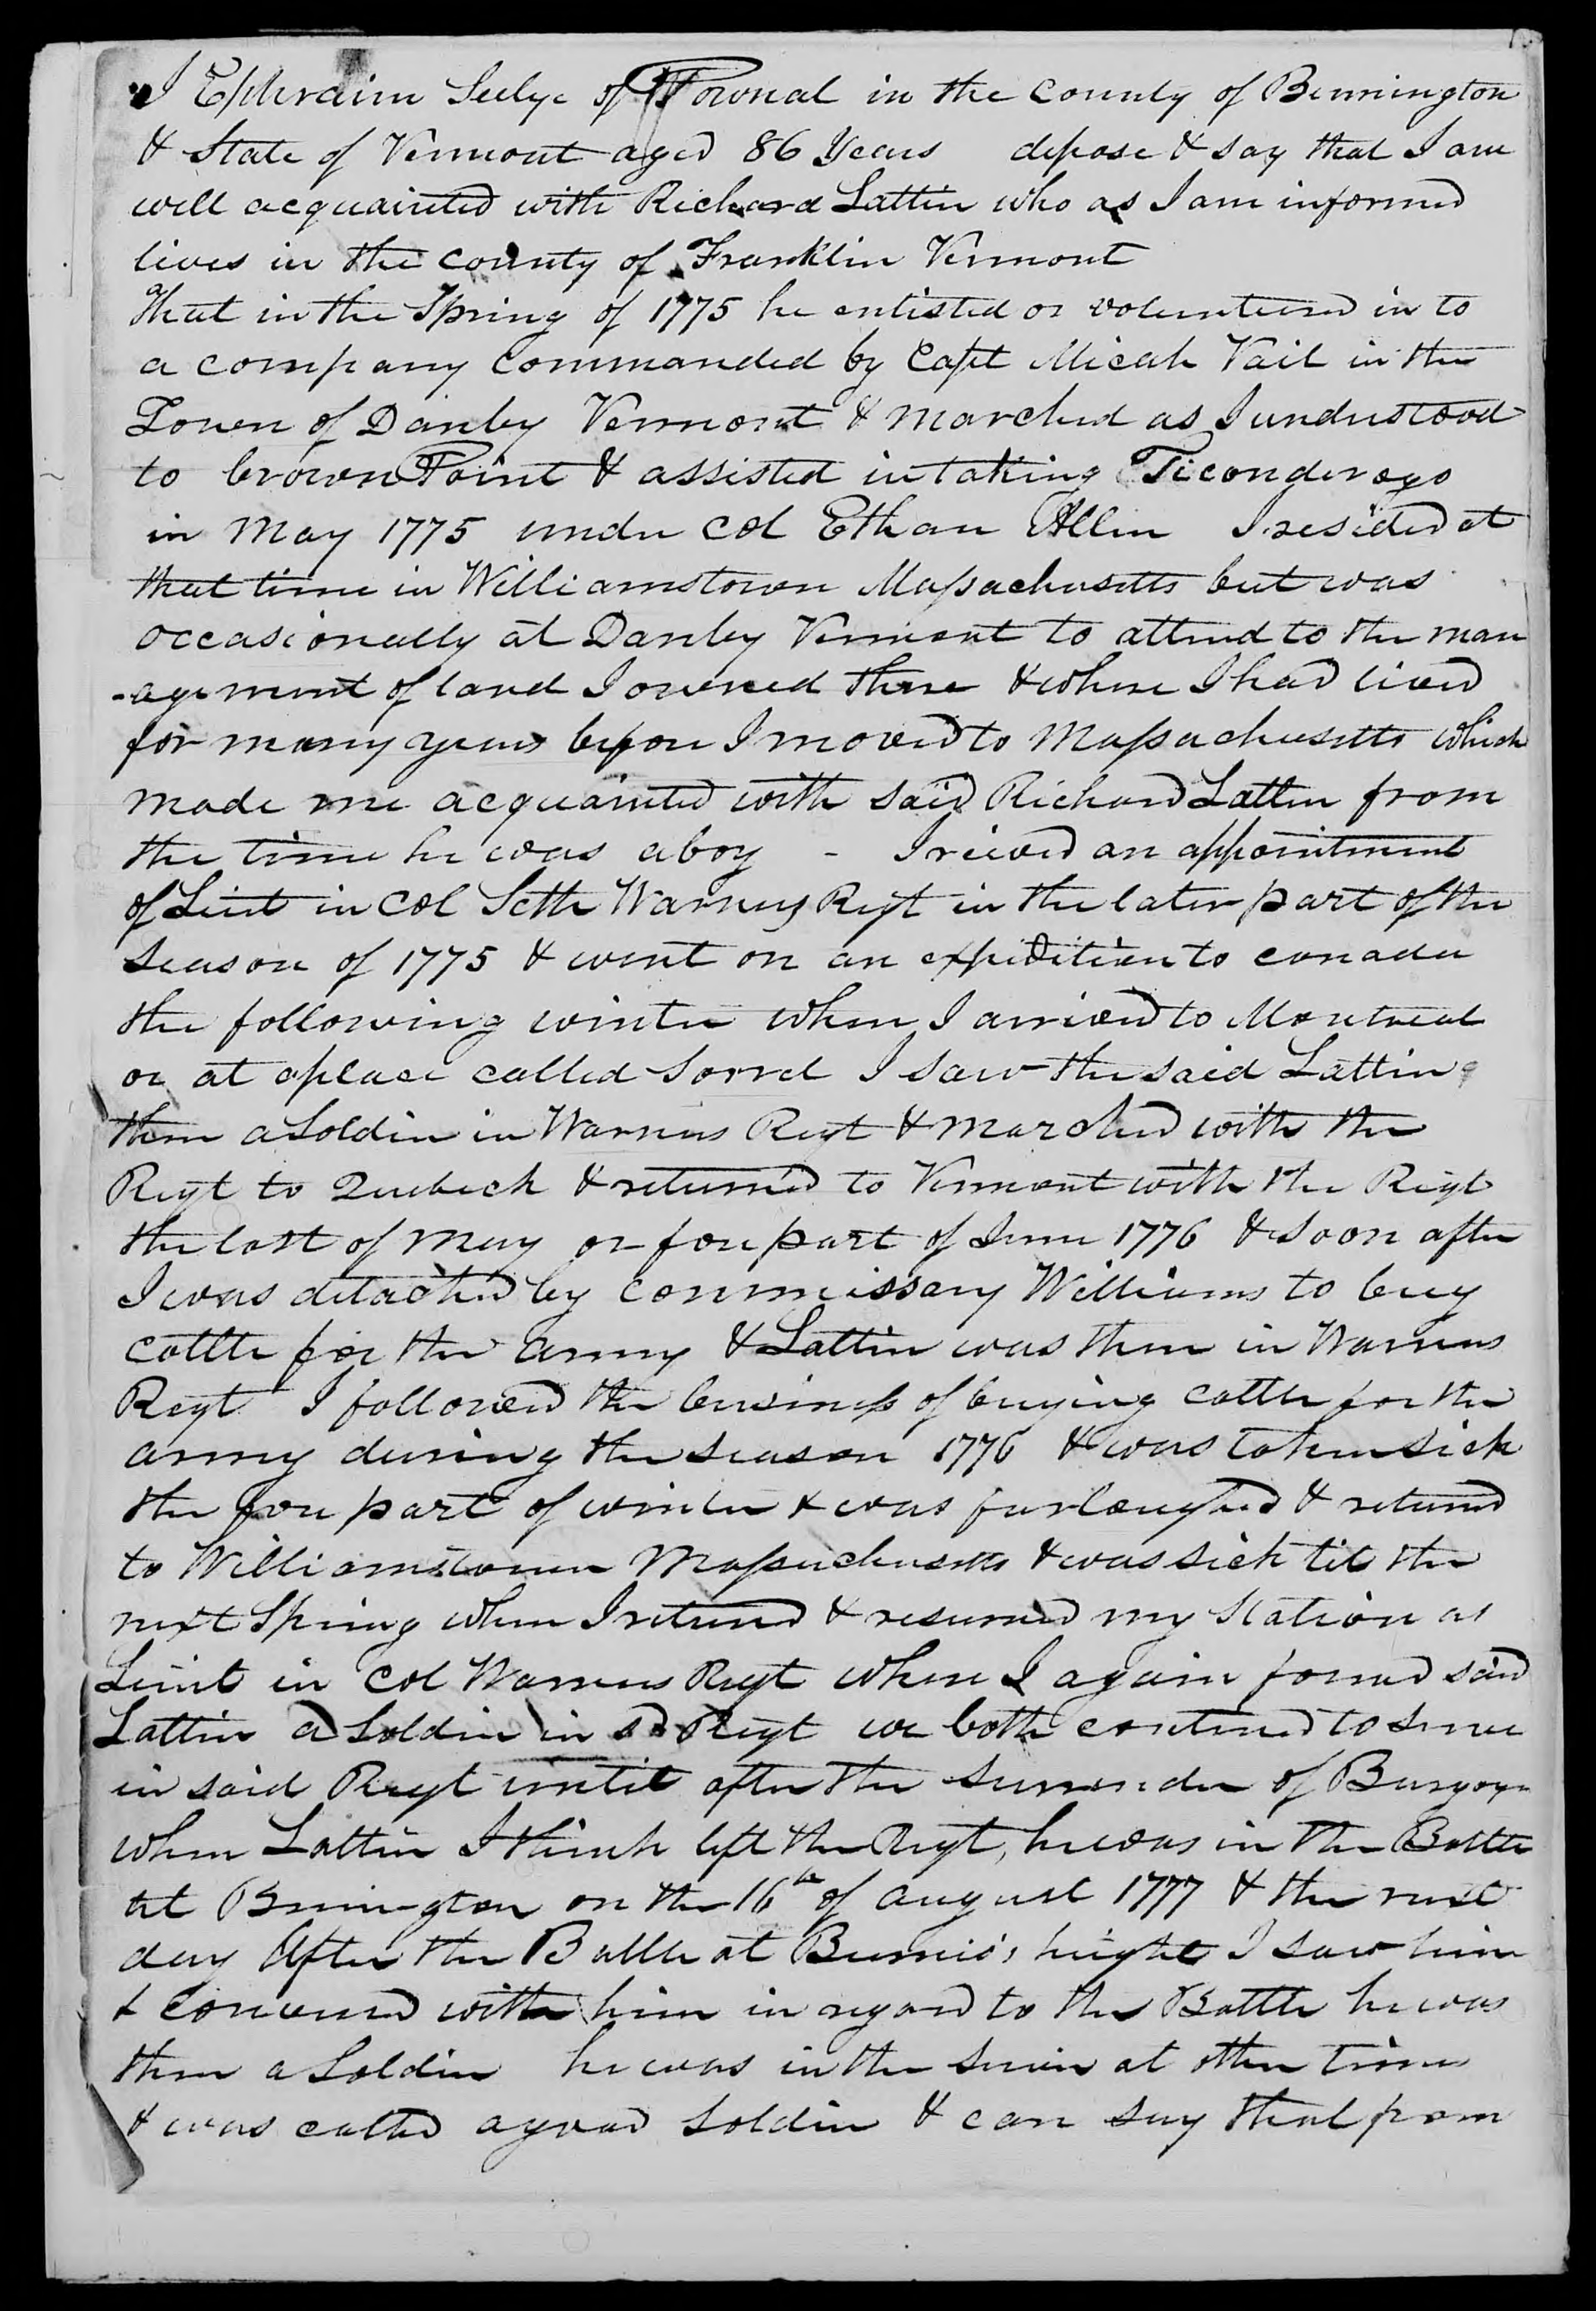I Ephraim Seelye of Pownal in the Co of
Bennington and State of Vermont aged 86 years
Depose and say that I am well acquainted with Richard
Lattin who as I am informed lives in the County of Franklin Vt.
That in the spring of 1775 he enlisted or volunteered into a
Comp. commanded by Capt. Micah Vail in the town of
Danby Vt and marched as I understood to Crown Point  &
assisted in taking Ticonderoga in May 75 under Col. Ethan Allen. I resided at that time in Williamstown Mass, but was
occasionally at Danby Vt. to attend to the management of
land I owned there & where I had lived for many years
before I moved to Mass. Which made me acquainted with
 s’d R. Lattin from the time he was a boy. I rec’d
an appointment of Lieut in Col. Seth Warners Regt in
the latter part of the season of 1775 and went on an
expedition to Canada the following winter. When I arrived to
Montreal or at a place called Sorrel I saw the s’d Lattin, 
then a soldier in Warner’s Regt & marched with the Regt to
Quebeck & returned to Vt with the Regt the last of May or fore
part of June ‘76. & soon after I was detached by Commissary
Williams to buy cattle for the army and Lattin was then in
Warner’s Regt. I followed the business of buying cattle for
the army during the season 76 & was taken sick the fore
part of winter & was furloughed & returned to Williamstown Mass. I was sick til the next spring when I returned and resumed my station as Lt in Col Warners Regt where I again found s’d Lattin a soldier in said Regt. We both continued to serve in s’d Regt until after the surrender of Burgoyne when Lattin (I think) left the Regt. He was in the Battle at Bennington on the 16th of Aug’t 1777 & the next day after the Battle at [Bemiss] heights, I  saw him & conversed with him in regard to the Battle.  He was then a soldier. He was in the service at other times & was called a good soldier & can say that from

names: Ethan Allen; Ephraim Seelye; [BLANK] Burgoyne; Micah Vail; Richard Lattin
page: 40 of 99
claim: widow's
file: W. 24,482, for Richard Lattin, Vermont